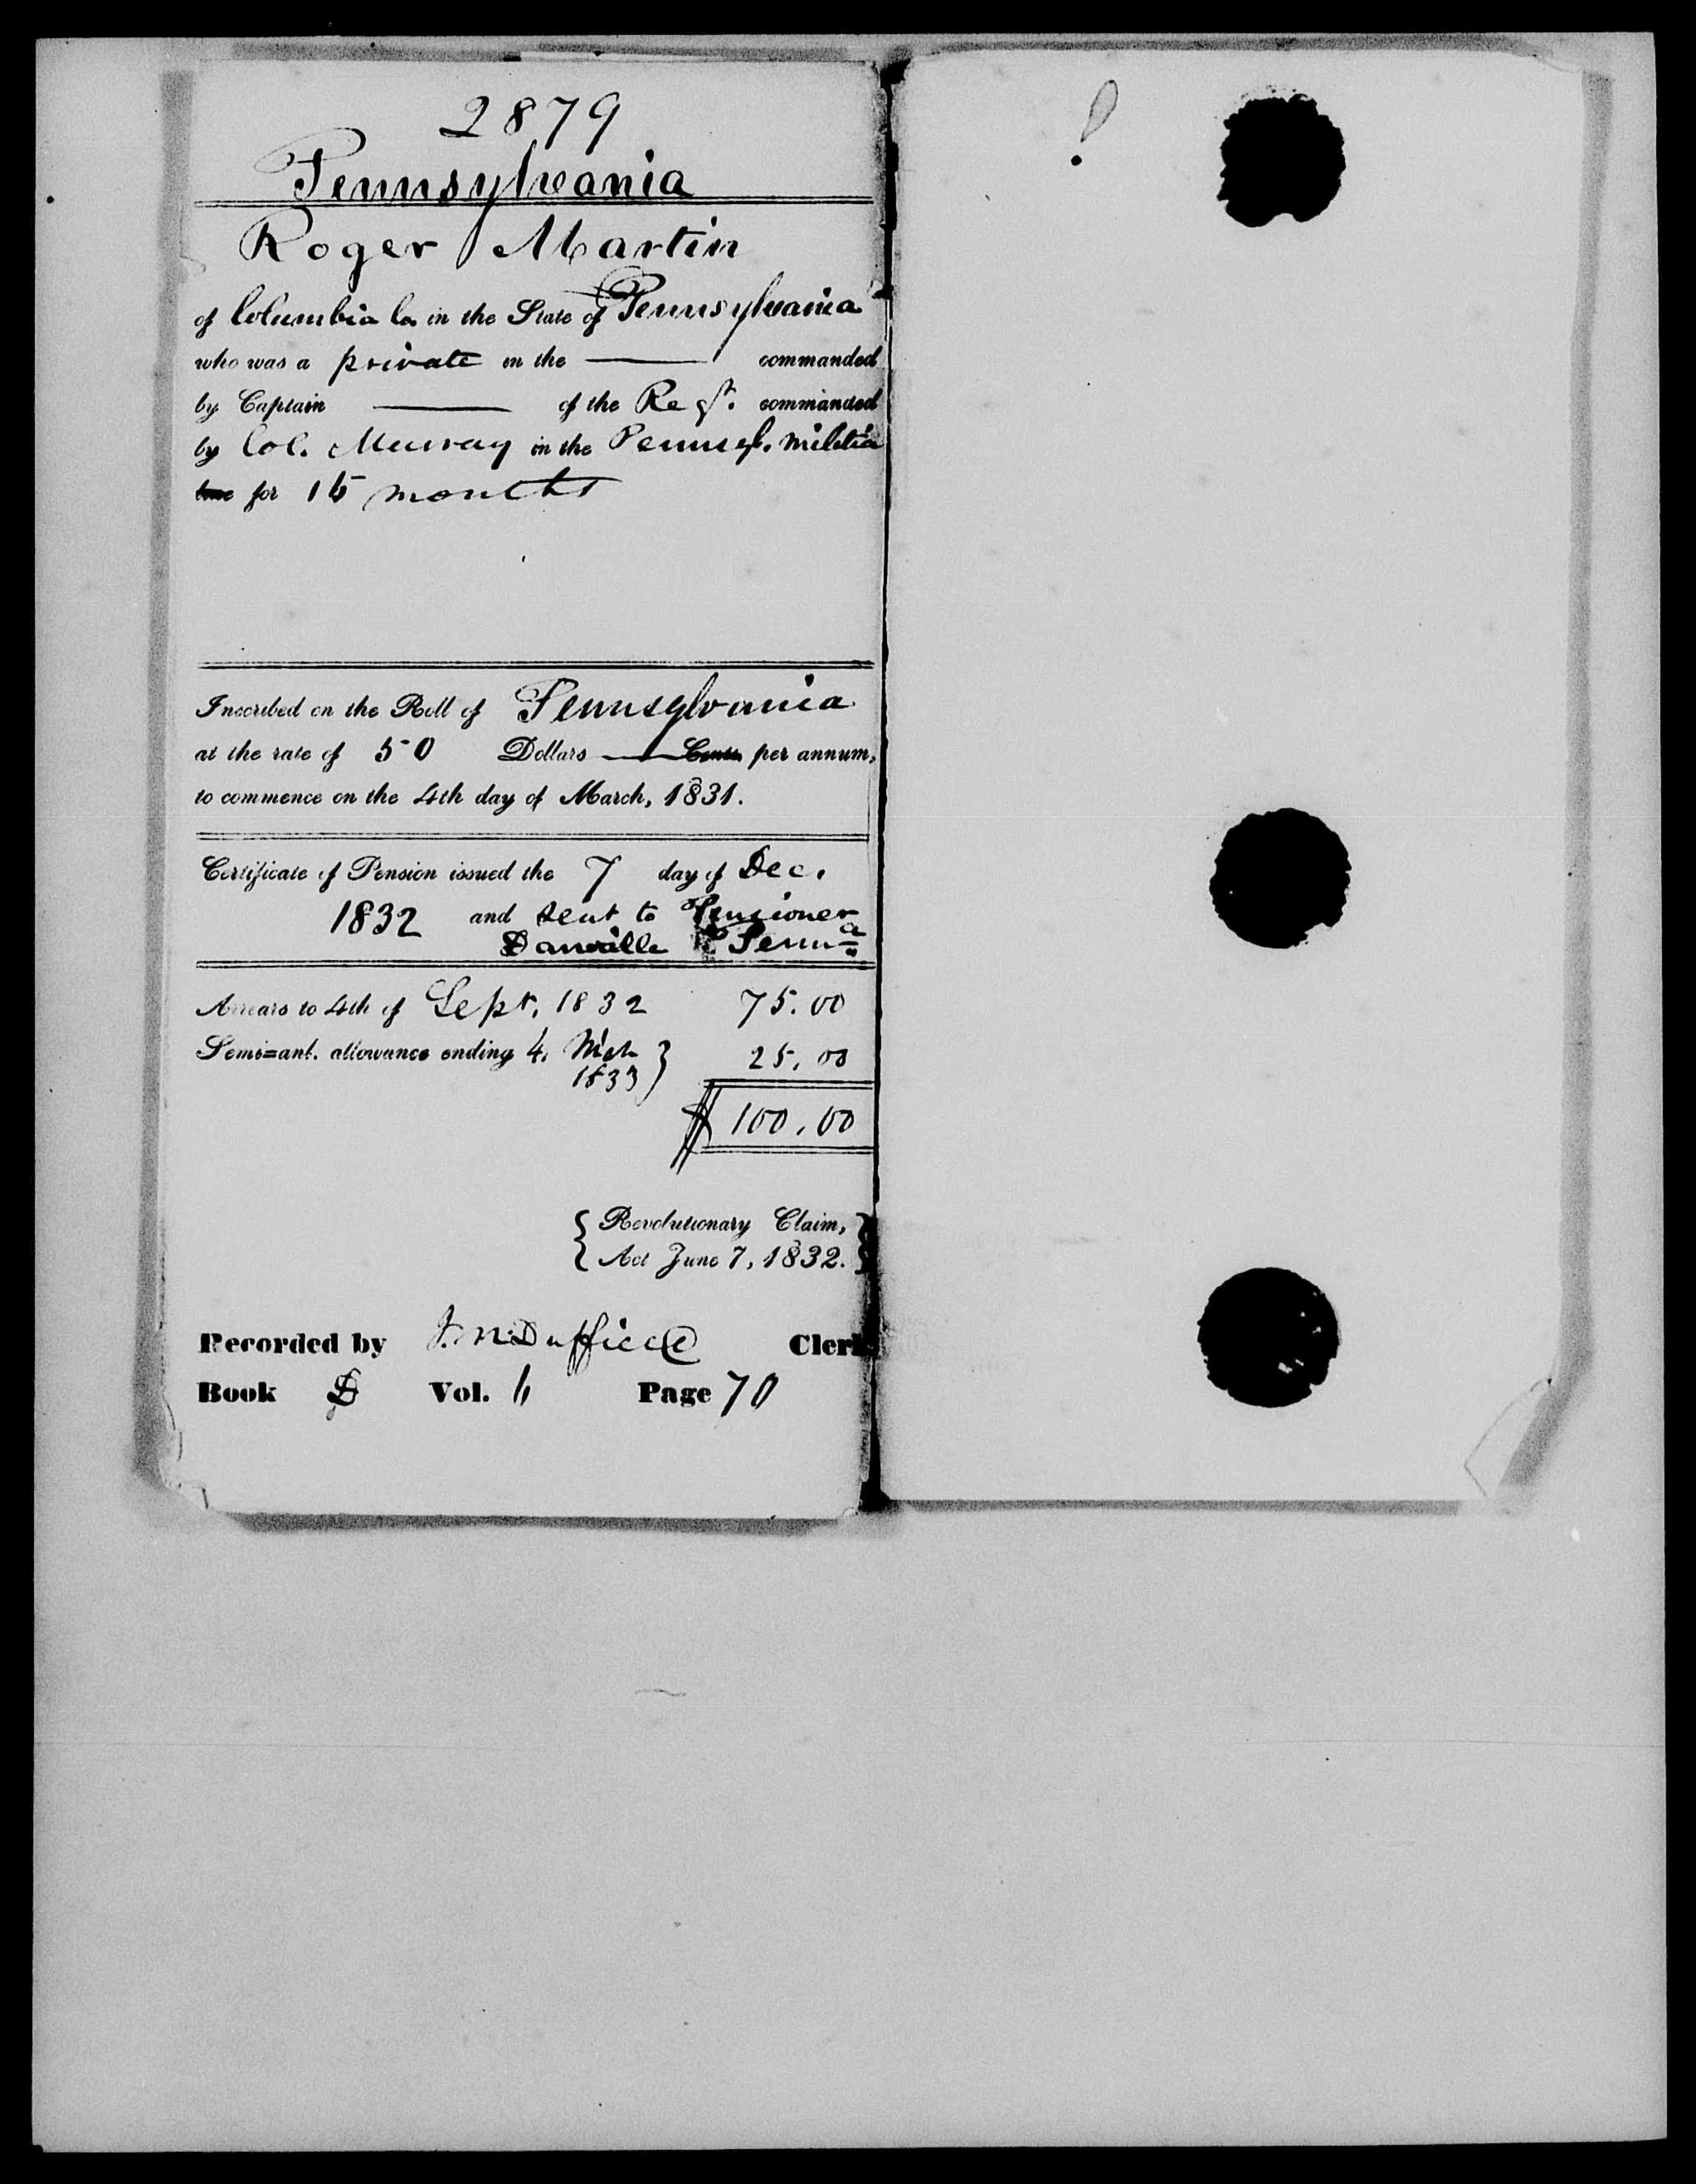2879
Pennsylvania
==============================

Roger Martin
of Columbia Co. in the State of Pennsylvania who was a private in the _______ commanded by Captain _________ of the regt. commanded by Col. Murray in the Pennsylvania Militia for 15 months.
===============================
Inscribed on the Roll of Pennsylvania at the rate 50 dollars per annum, to commence on the 4th day of March 1831.
===============================
Arrears to 4th of Sept. 1832                      75.00
Seni=anl. allowance ending 4 M'ch1833   25.00
                                                               $100.00

{Revolutionary War}
{Act June 7, 1832.}

Recorded by J. M. Duffield  Clerk
Book D      Vol 6    Page 70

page: 2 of 12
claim: survivor's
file: S. 2733, for Roger Martin, Pennsylvania